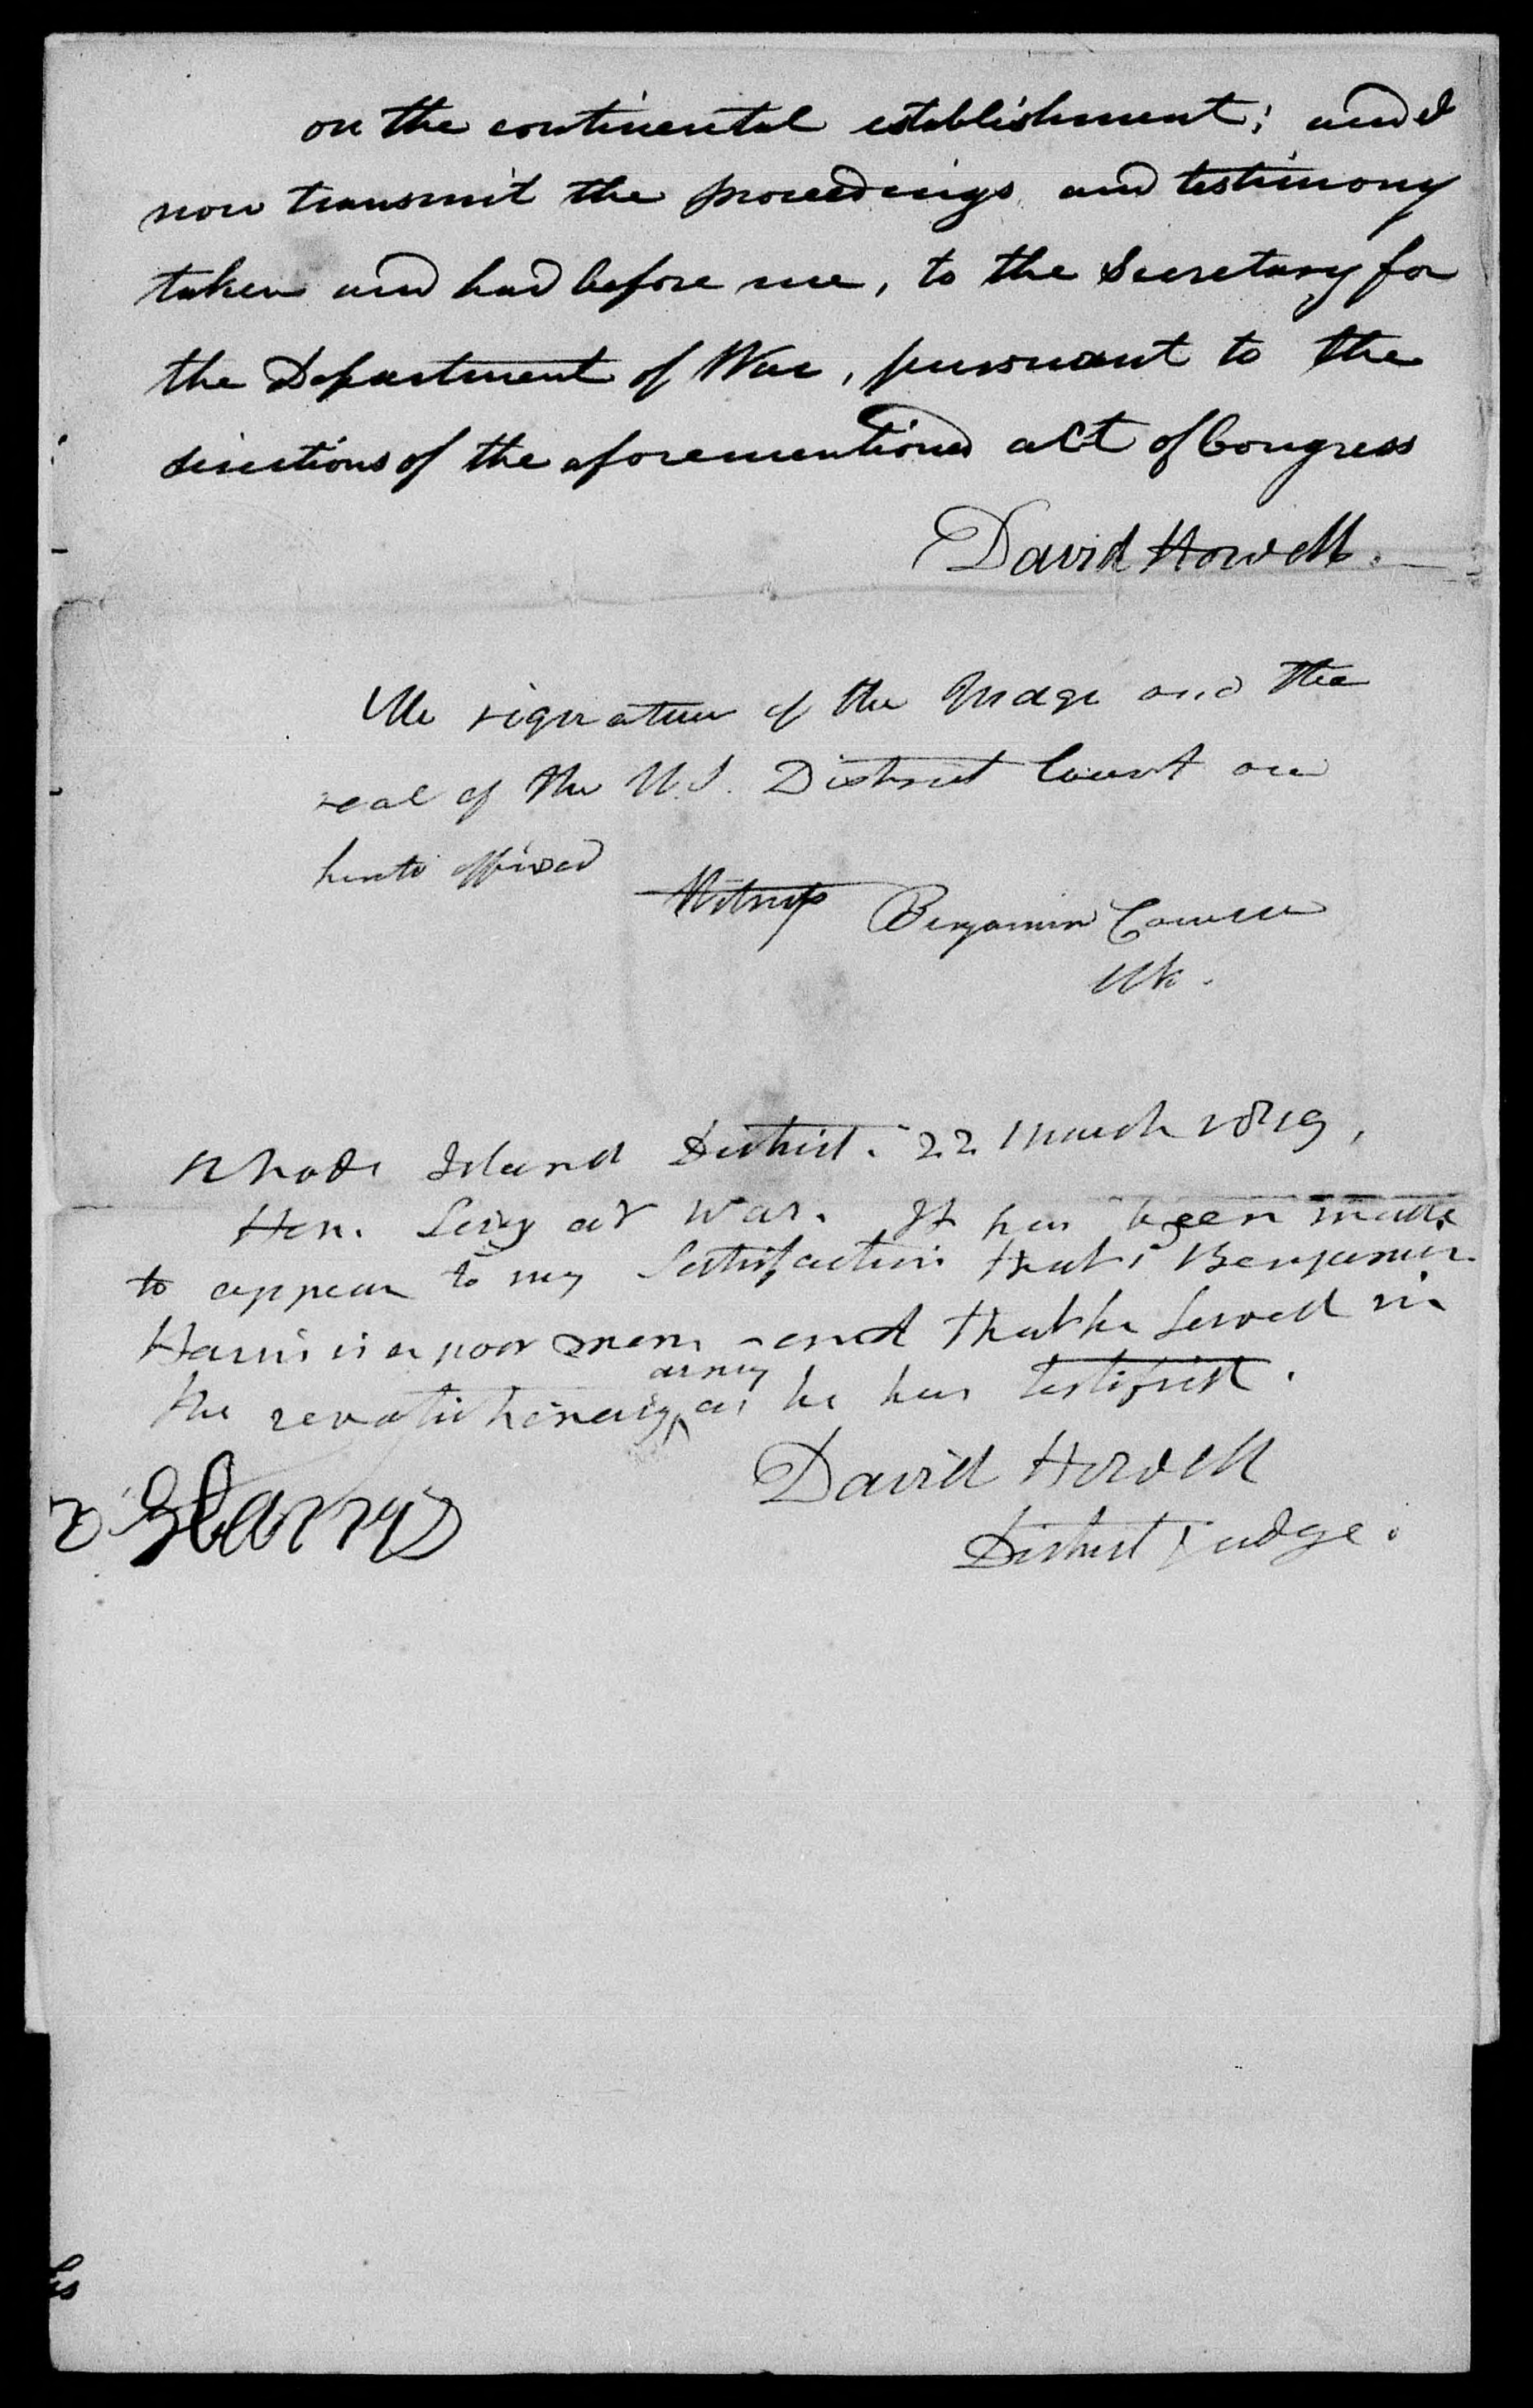on the continental establishment; and I
now transmit the proceedings and testimony
taken and had before me, to the Secretary for
the Department of War, pursuant to the
directions of the aforementioned act of Congress

David Howell

the signature of the Judge and the
seal of the U.S. District Court on
hereto affixed
Witness
Benjamin Cowell
clk

Rhode Island District. 22 March 1819
Hon. Levy [illegible] It has been made
to appear to my Satisfaction that Benjamin
Harris is a poor man and that he served in
the revolutionary ^[illegible]  as he has testified.
Harris
David Howell
District Judge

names: David Howell, Harris, Benjamin Cowell, David Howell, Benjamin Harris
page: 6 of 62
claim: survivor's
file: S. 38816, Benjamin Harris, Mass.